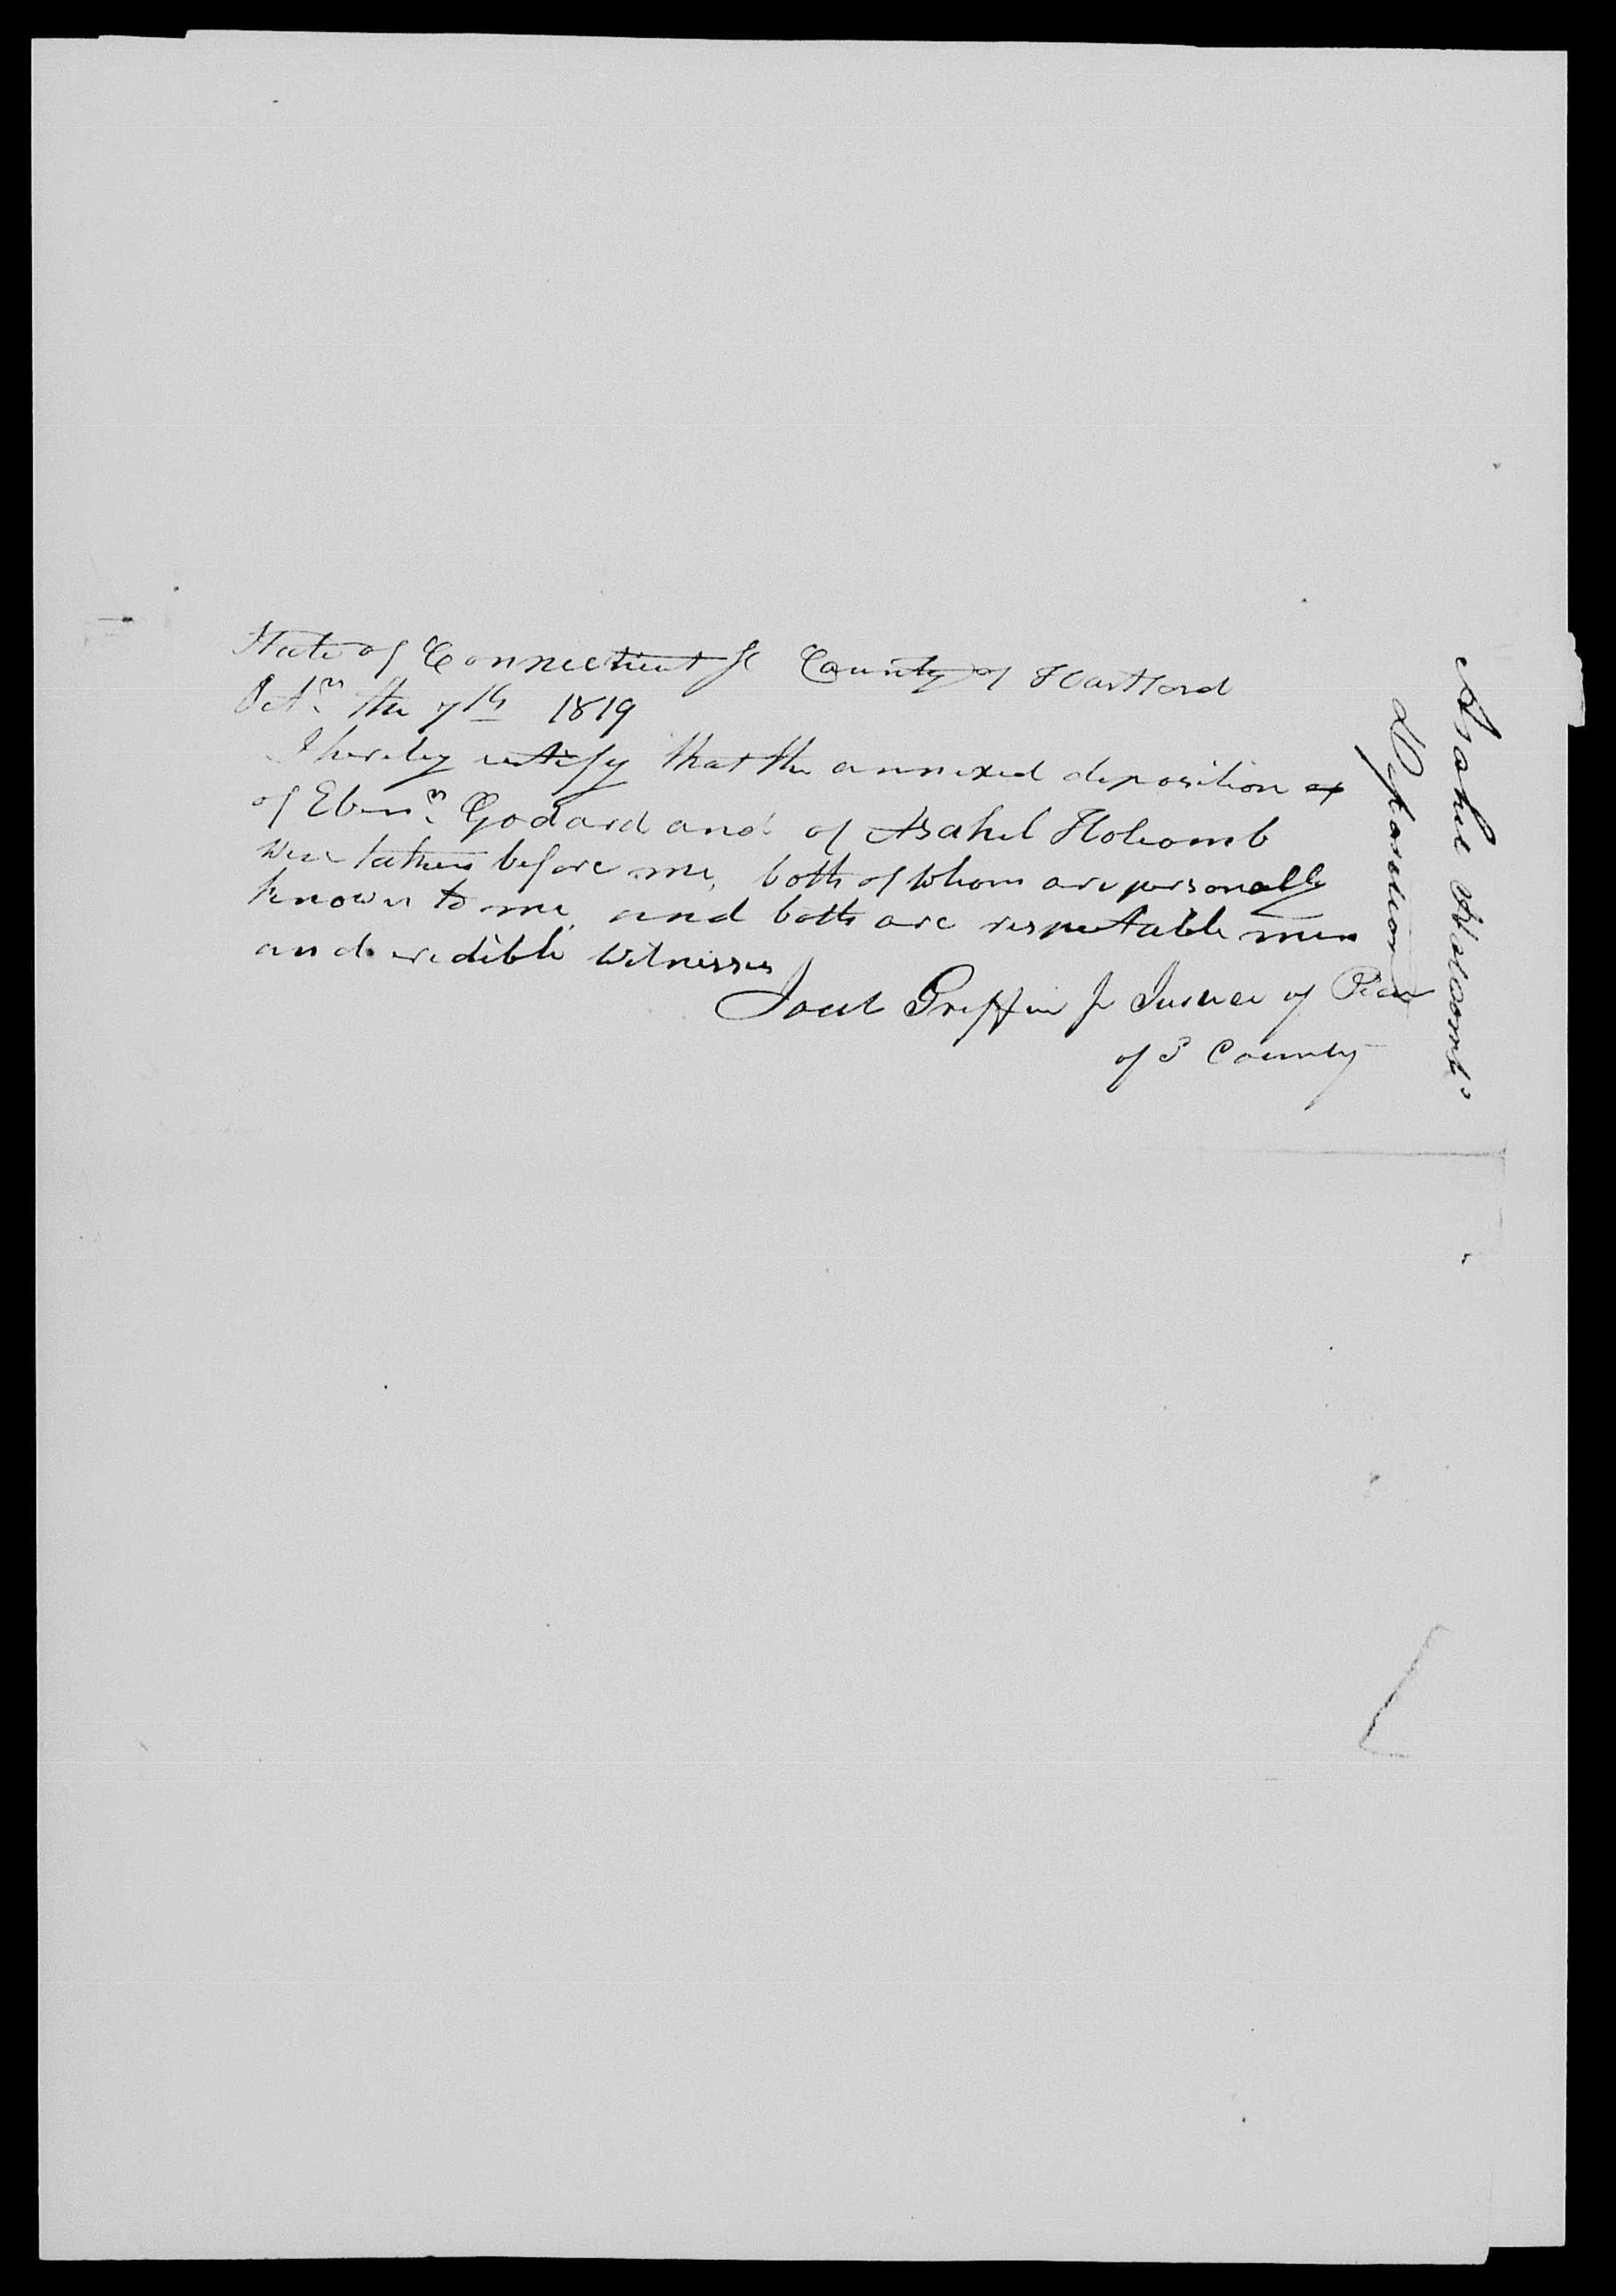State of Connecticut ss County of Hartford
Octr the 7th 1819

I hereby certify that the annexed deposition of Ebenr Godard and of Asahel Holcomb were taken before me, both of whom are personally known to me and both are respectable men and credible witnesses.

Joab Griffin Jr Justice of Peace
of sd County

{Written up the right margin:]
Asahel Holcombs Deposition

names: Asahel Holcomb, Ebenr Godard, Jacob Griffin, Asahel Holcomb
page: 14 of 18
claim: survivor's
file: S. 37,904, Ebenezer Edgerton, [BLANK]